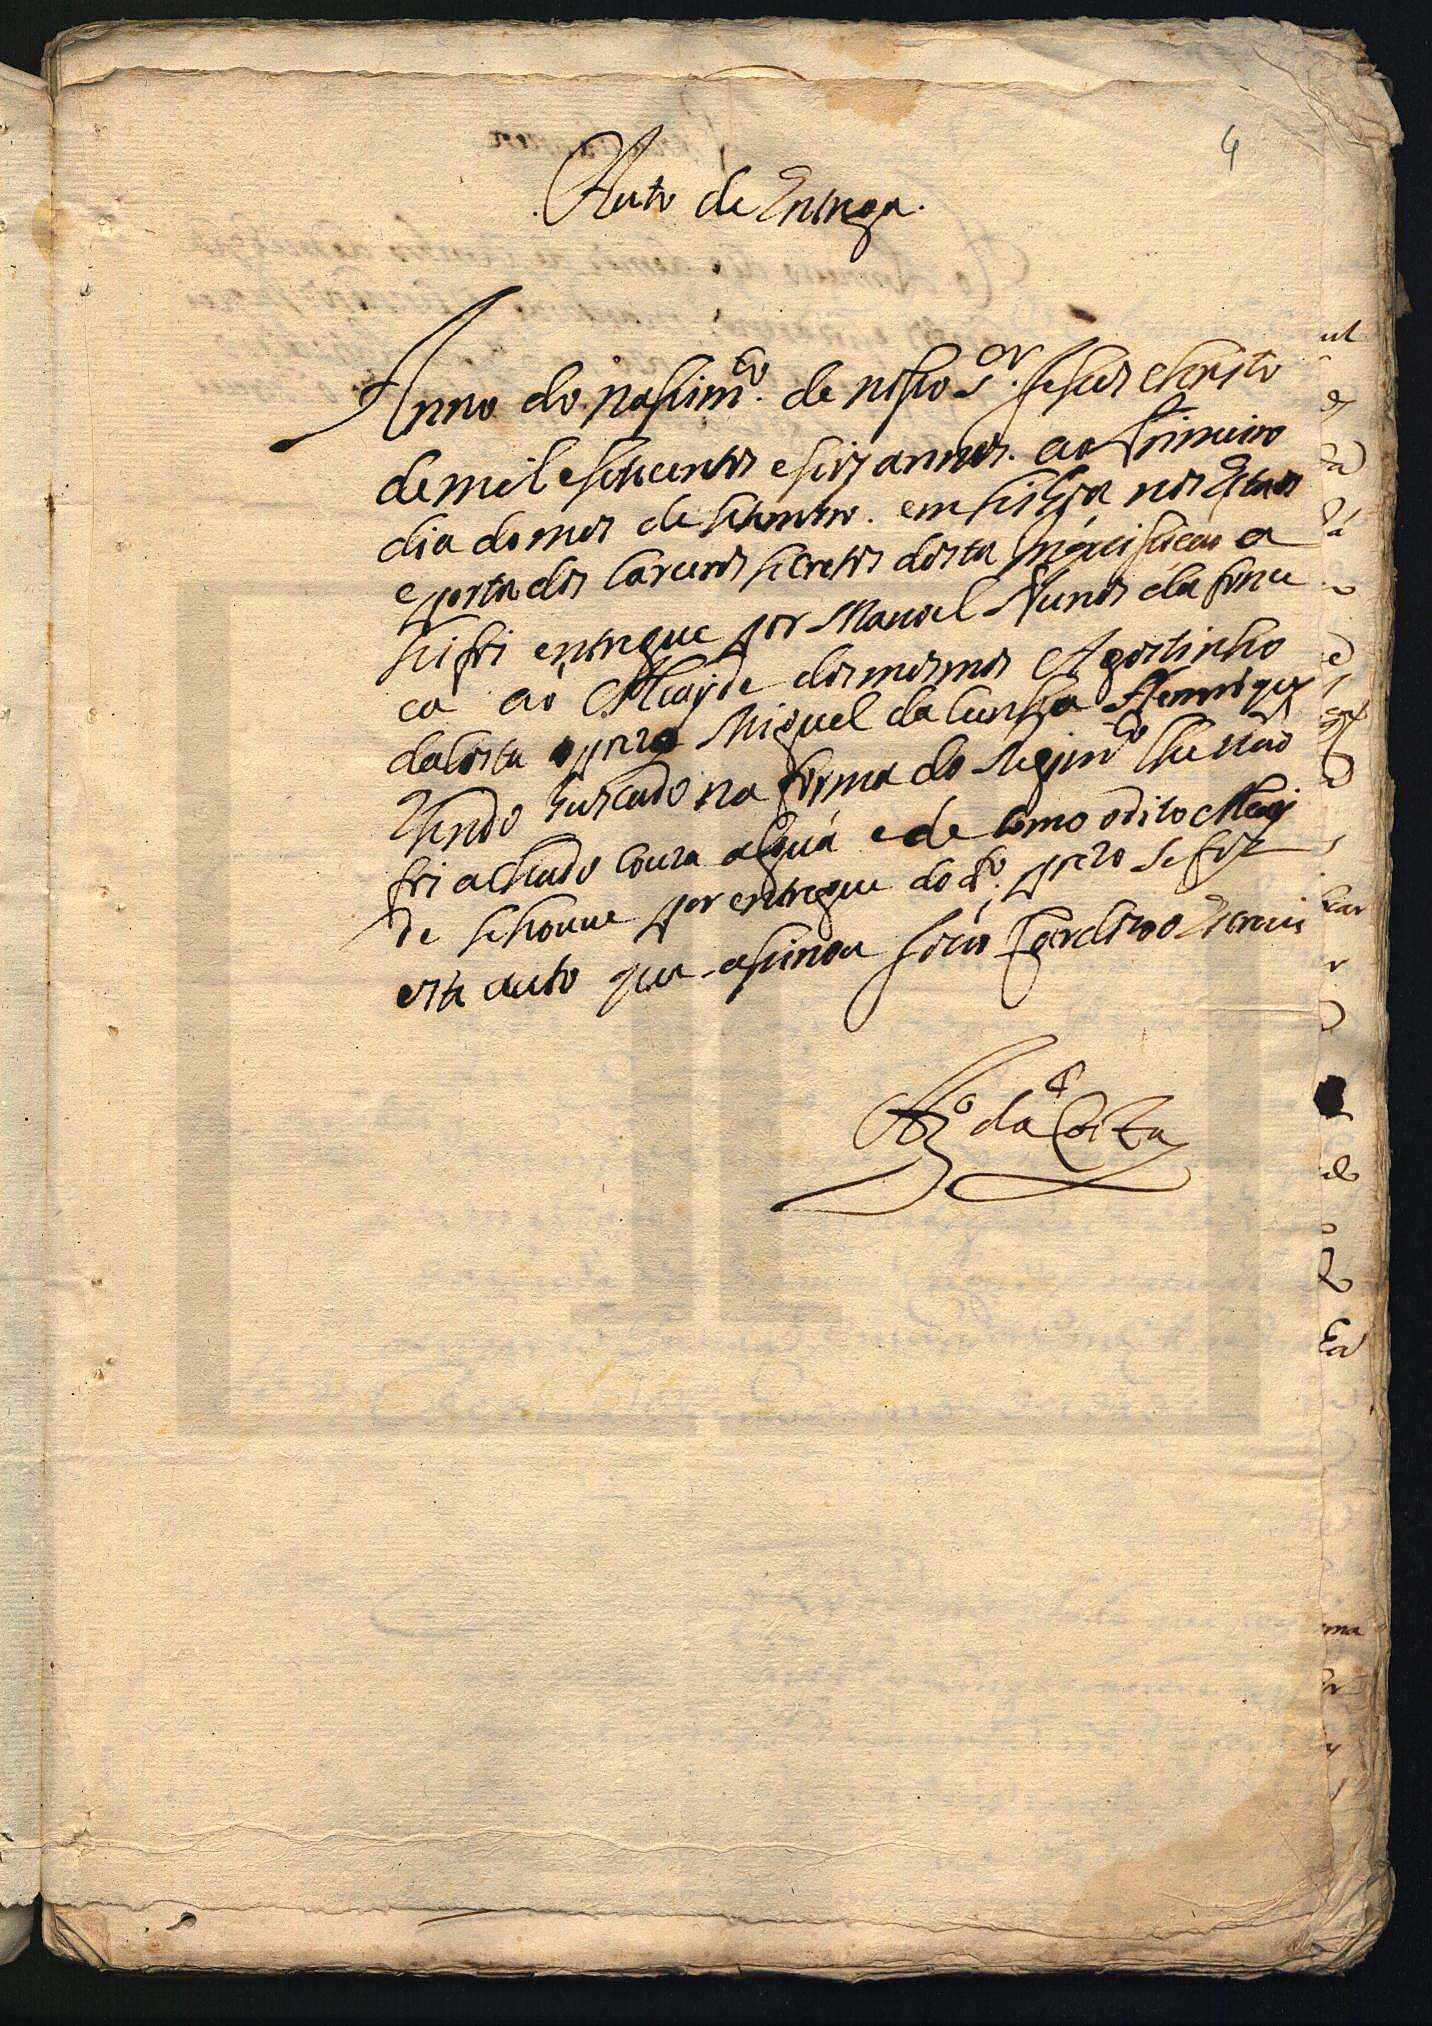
Auto de Entrega.
Anno do nassimto. de nosso sor. Jesus christo
de mil e setecentos e seis annos. ao Primeiro
dia do mes de setembro. em Lisboa nos Estaos
e porta dos Carceres secretos desta Inquisição a
hi foi entregue por Manoel Nunes da fonce
ca ao Alcayde dos mesmos Agostinho
da Costa o prezo Miguel da Cunha Henriques
E sendo buscado na forma do Regimto lhe não
foi achado couza alguā e de como o dito Alcay
de se houue por entregue do d̄.o prezo se fez
este auto que assinou João Cardozo o Escreui
Ago da Costa
